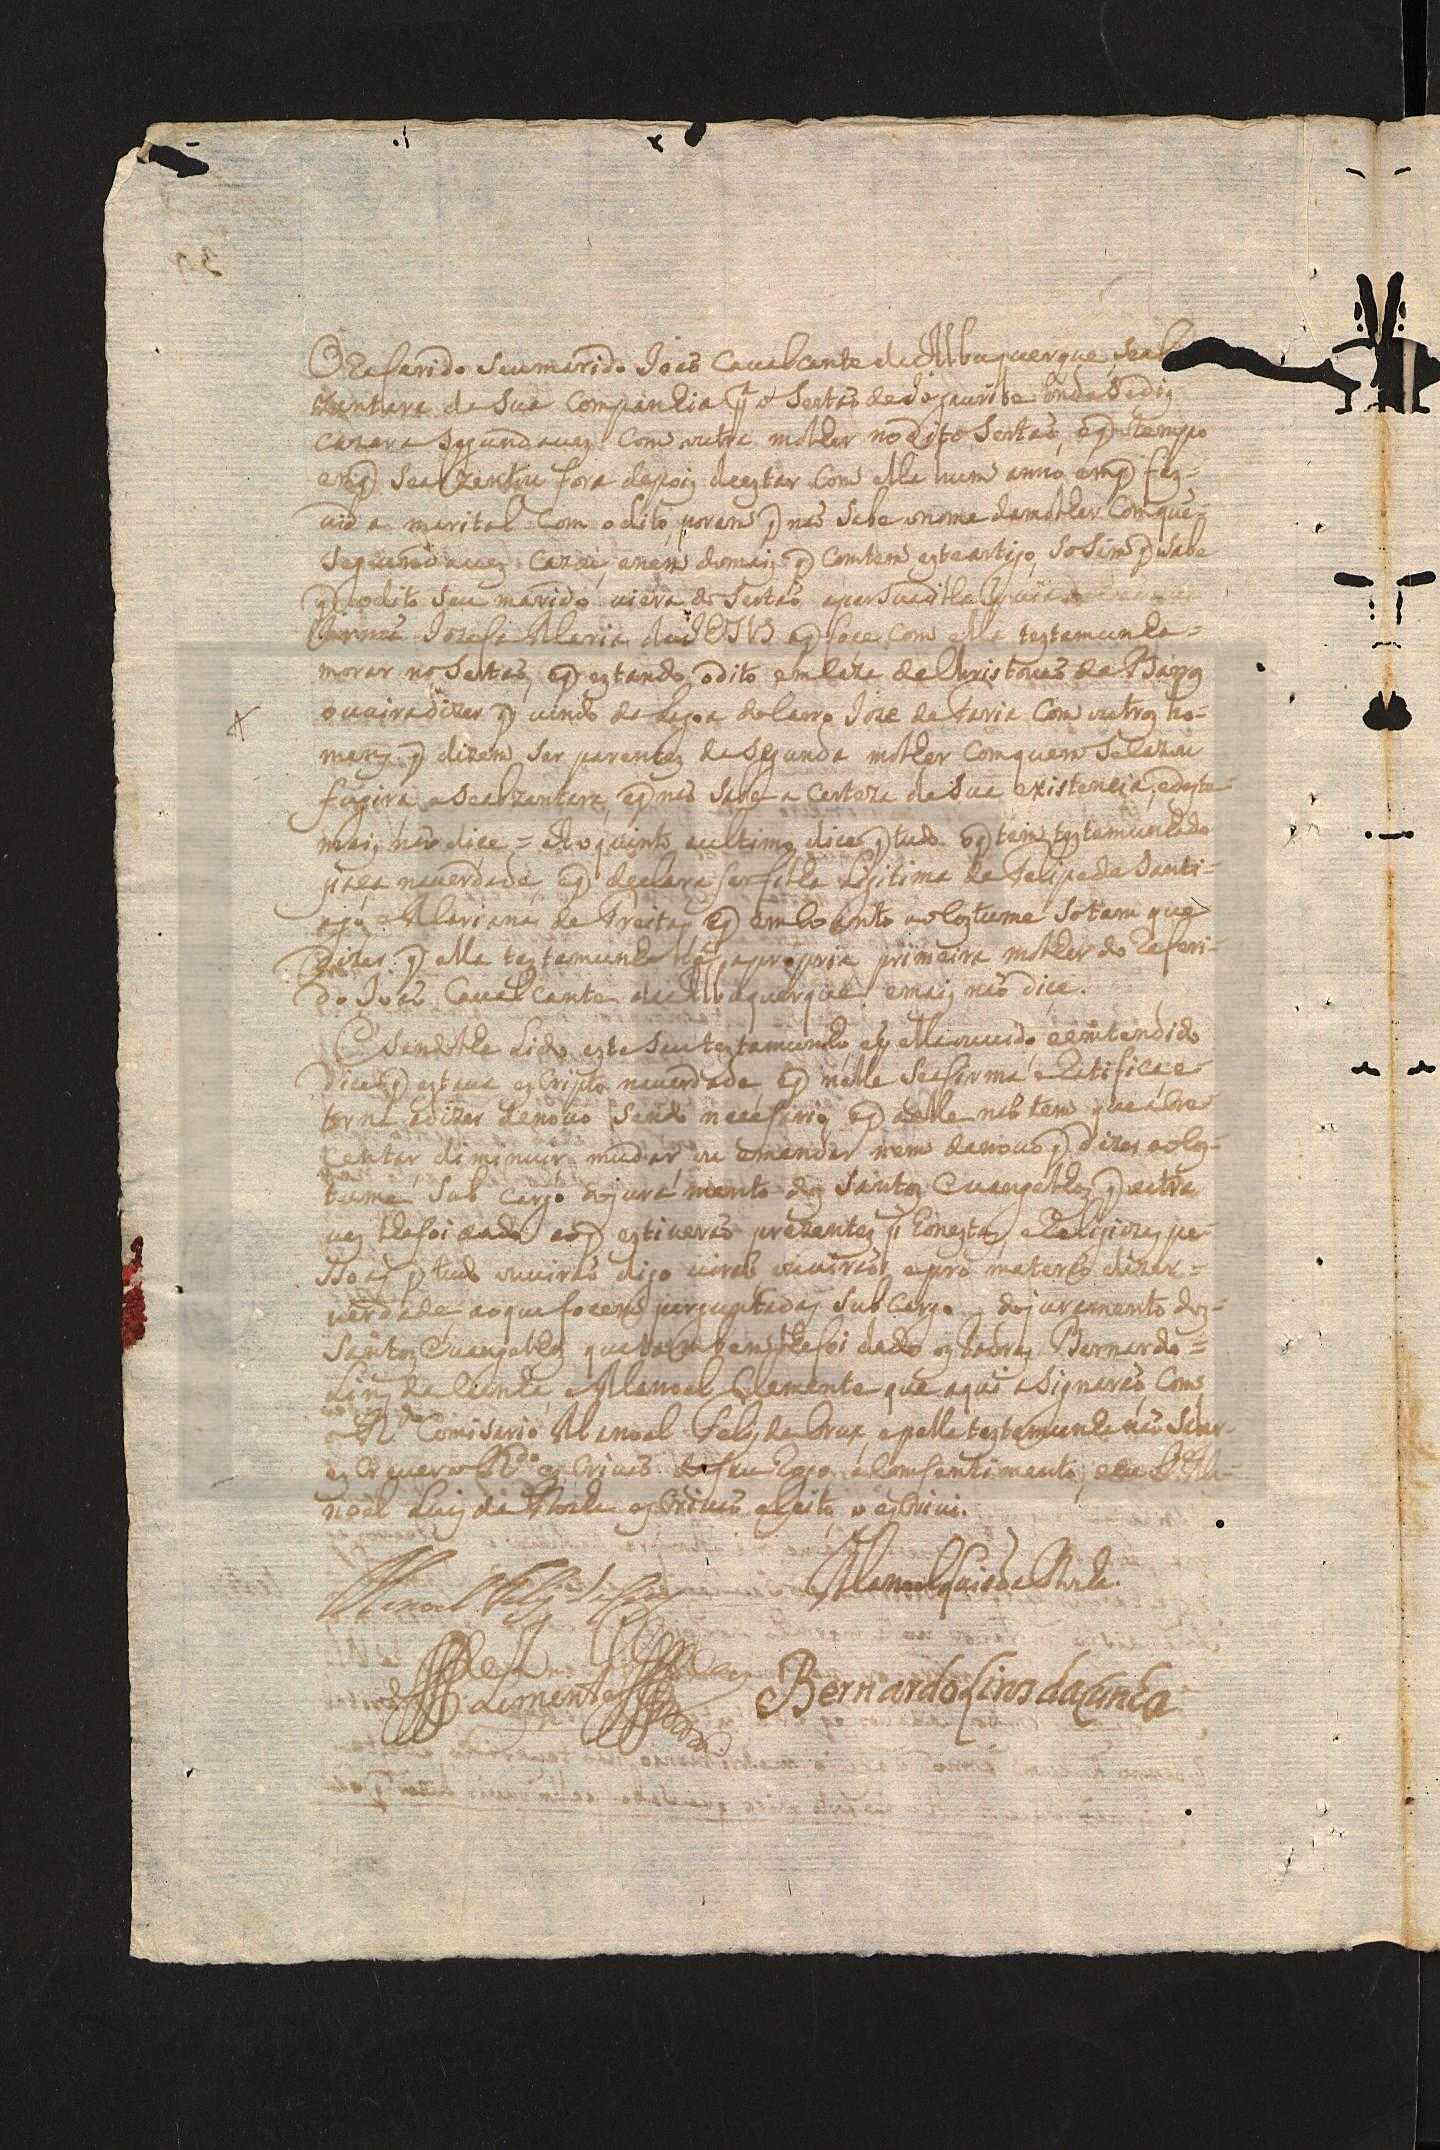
O Referido seu marido Ioaõ Caualcante de Albuquerque se al
Zentara de sua companhia p.a o sertaõ da Sogauriba onde se diz
cazou a segunda uez com outra molher no dito sertaõ, e q̄ tempo
en q̄ se alzentou fora depois de eztar Com elle hum anno em q̄ fez
uida marital com o dito, porem q̄ naõ sabe o nome da molher com quē
segunda uez cazou, e nem do maiz q̄ comtem este artigo, so sim q̄ sabe
q̄ o dito seu marido uiera do Sertão a persuadilhe
Irmã Iozefa Maria de IESVS q̄ foçe com ella testemunha
morar no Sertaõ, q̄ eztando o dito em Caza de Christouaõ de Barros
ouvira dizer q̄ uindo da Lagoa do Carro Ioze de Faria com outros ho
mens q̄ dizem ser parentez da segunda molher com quem se cazou
fugira e se alzentara, e q̄ naõ sabe a certeza de sua existencia, e dezte
mais, naõ dice = Ao quinto e ultimo dice q̄ tudo o q̄ tem testemunhado
paça na uerdade, e q̄ declara ser filha Ligitima de Felipe de Santi
ago e Mariana de Freitas, e q̄ emCoanto ao Coztume so tem que
dizer q̄ ella testemunha Ma.er, a propria primeira molher do Referi
do Ioaõ Caualcante de Albuquerque, e mais naõ dice.
E sendolhe Lido ezte seu testamunho, e p̄ elle ouuido, e emtendido
dice q̄ eztaua ezcripto na uerdade, e q̄ nelle se firma e Ratifica e
torna a dizer de nouo sendo necesario e q̄ a elle naõ tem que aCre
centar, diminuir, mudar, ou emendar nem de nouo q̄ dizer ao Cos
tume sob cargo do juramento doz Santoz euangelhoz q̄ outra
uez lhe foi dada ao q̄ estiueraõ prezentez p̄ honestas e Religiozas pe
ssoas q̄ tudo ouuiraõ digo uiraõ e ouuiraõ e prometerão dizer
verdade ao que focem perguntadas sub cargo do juramento doz
Santos Euangelhoz que tambem lhe foi dado oz Padrez Bernardo
Linz da Cunha, e Manoel Clemente que aqui asignaraõ com
o R.do Comisario Manoel Felis da Cruz, e pella testemunha naõ Saber
ezcreuer o R.do esCriuaõ de seu Rogo e Comsentimento, e eu P.e Ma
noel Luis da Rocha esCriuaõ eLeito, o esCriui.
Manoel Felis da Crus
Manoel Luis da Rocha
Bernardo Lins da Cunha
Lemente
